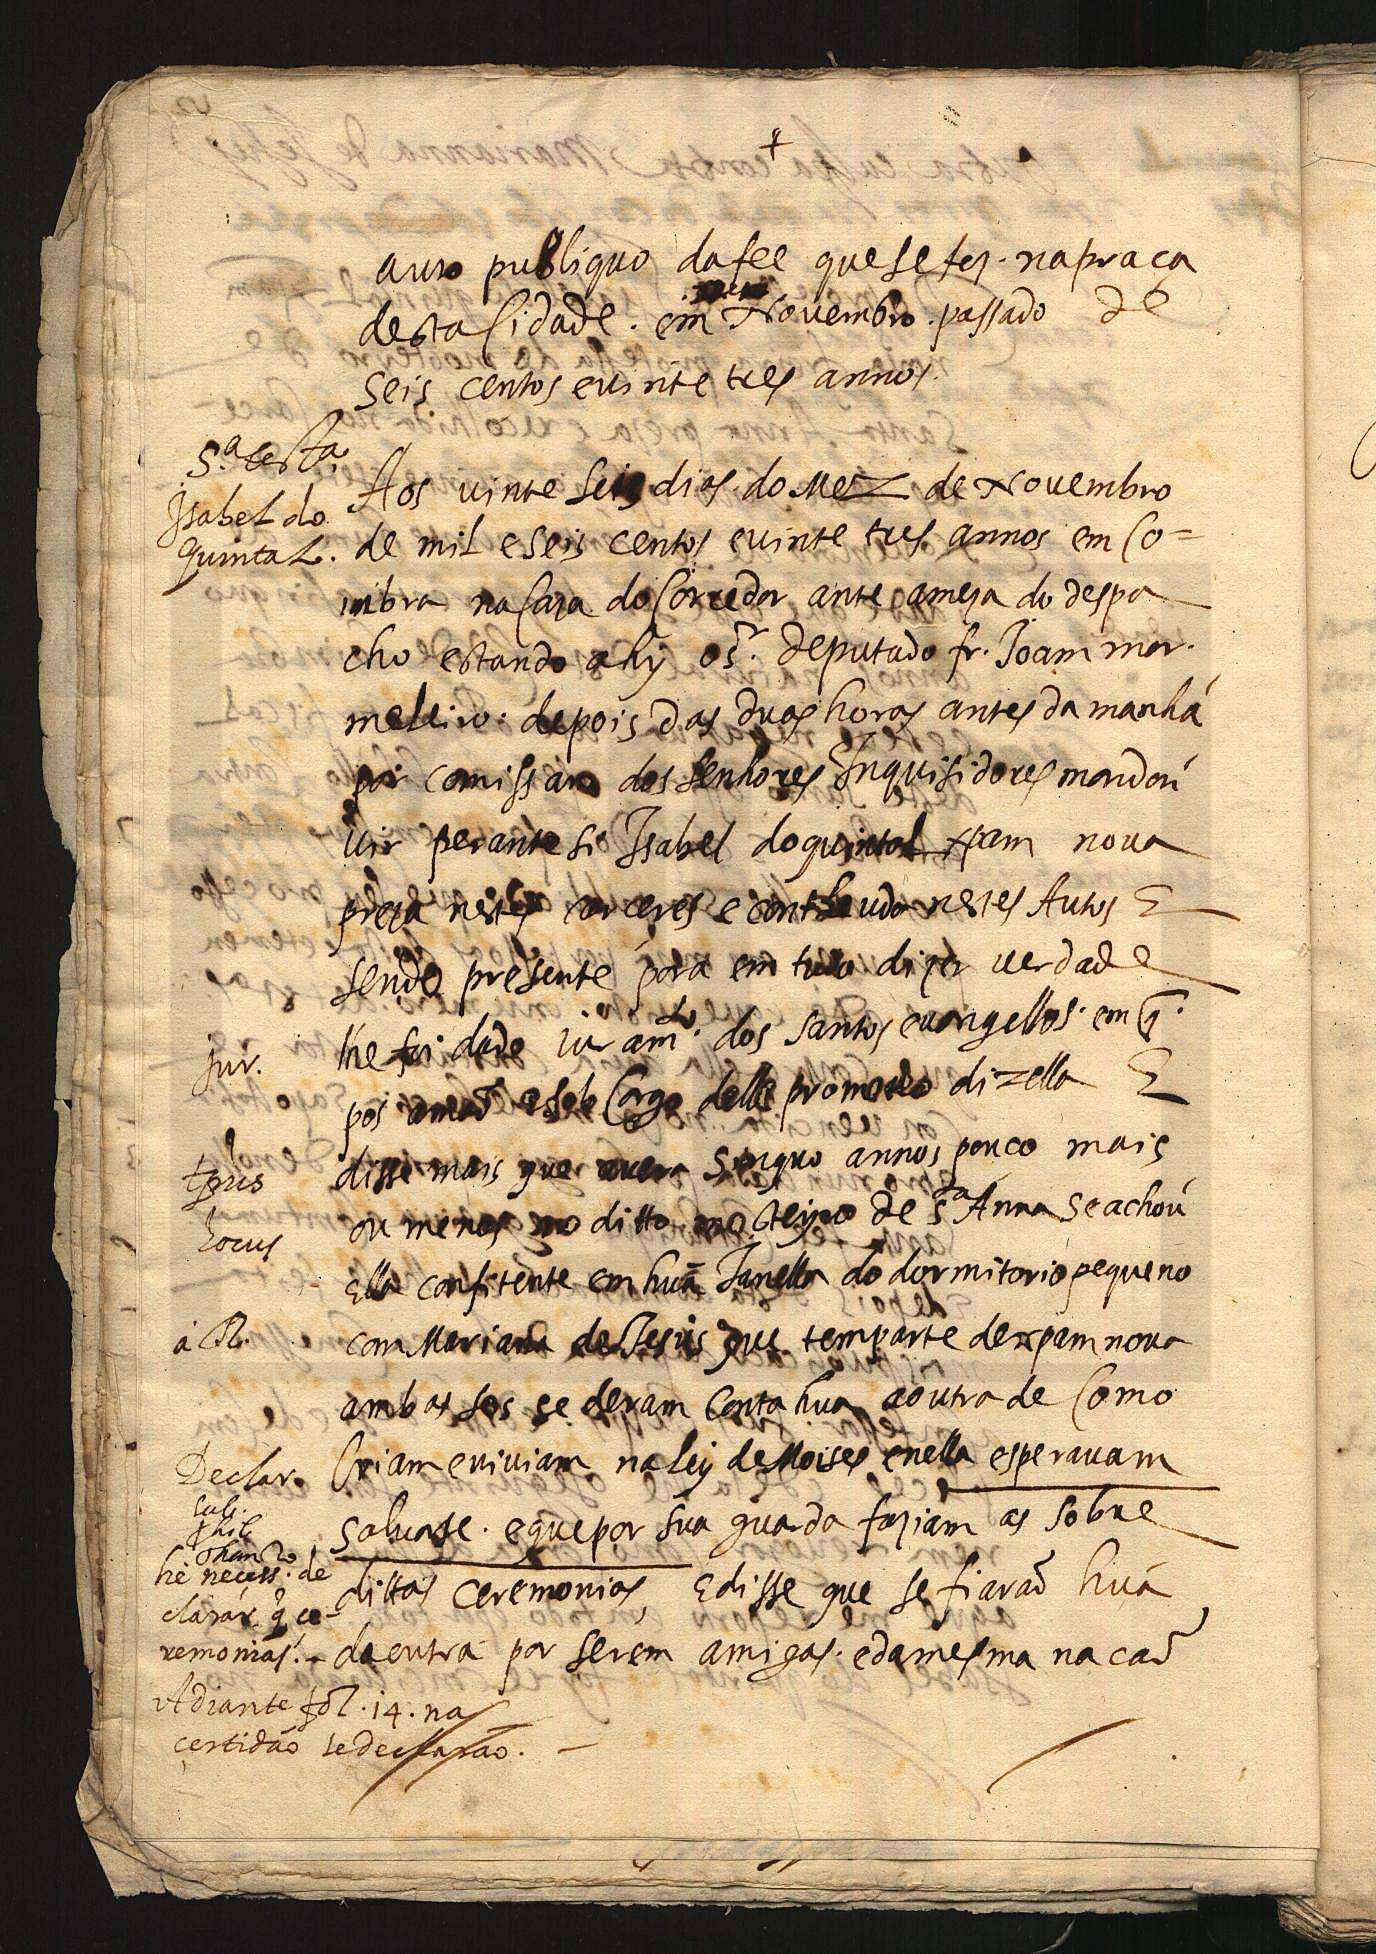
auto publiquo da fee que se fez na praça
desta Cidade. em Nouembro passado de
seiscentos e uinte tres annos
5.a testa.
Jsabel do
quintaL.
Aos uinte seis dias do MeZ de Nouembro
de miL e seiscentos e uinte tres annos em Co
imbra na Caza do Corredor ante a meza do despa
cho estando ahy o s.or deputado fr. Ioam mar
meleiro. depois das duas horas antes da manhā
por comissam dos Senhores Inquisidores mandou
uir perante si Jsabel do quintal xpam noua
preza nestes carceres e contheuda nestes Autos E
sendo presente para em tudo dizer uerdade
lhe foi dado iuramto. dos santos euangelhos. em q̄.
jur.
pos a maõ e sob Cago delle prometeo dizella E
disse mais que auera sinquo annos pouco mais
tpūs
ou menos no ditto mosteyro de sta Anna se achou
locus
Ella confitente em huā Ianella do dormitorio pequeno
a R.
com Mariana de Iesus que tem parte de xpam noua
ambas sos se deram conta hua a outra de Como
Criam e uiuiam na ley de Moises e nella esperauam
Declar.
suli.
ꝓhib
Than
saluase. e que por sua guarda faziam as sobre
dittas ceremonias, E disse que se fiaraõ huā
da outra por serem amigas. e da mesma nacaõ
hè necessro. de
clarar q̄. ce
remonias.
Adiante fol. i4. na
certidaõ se declarão.
